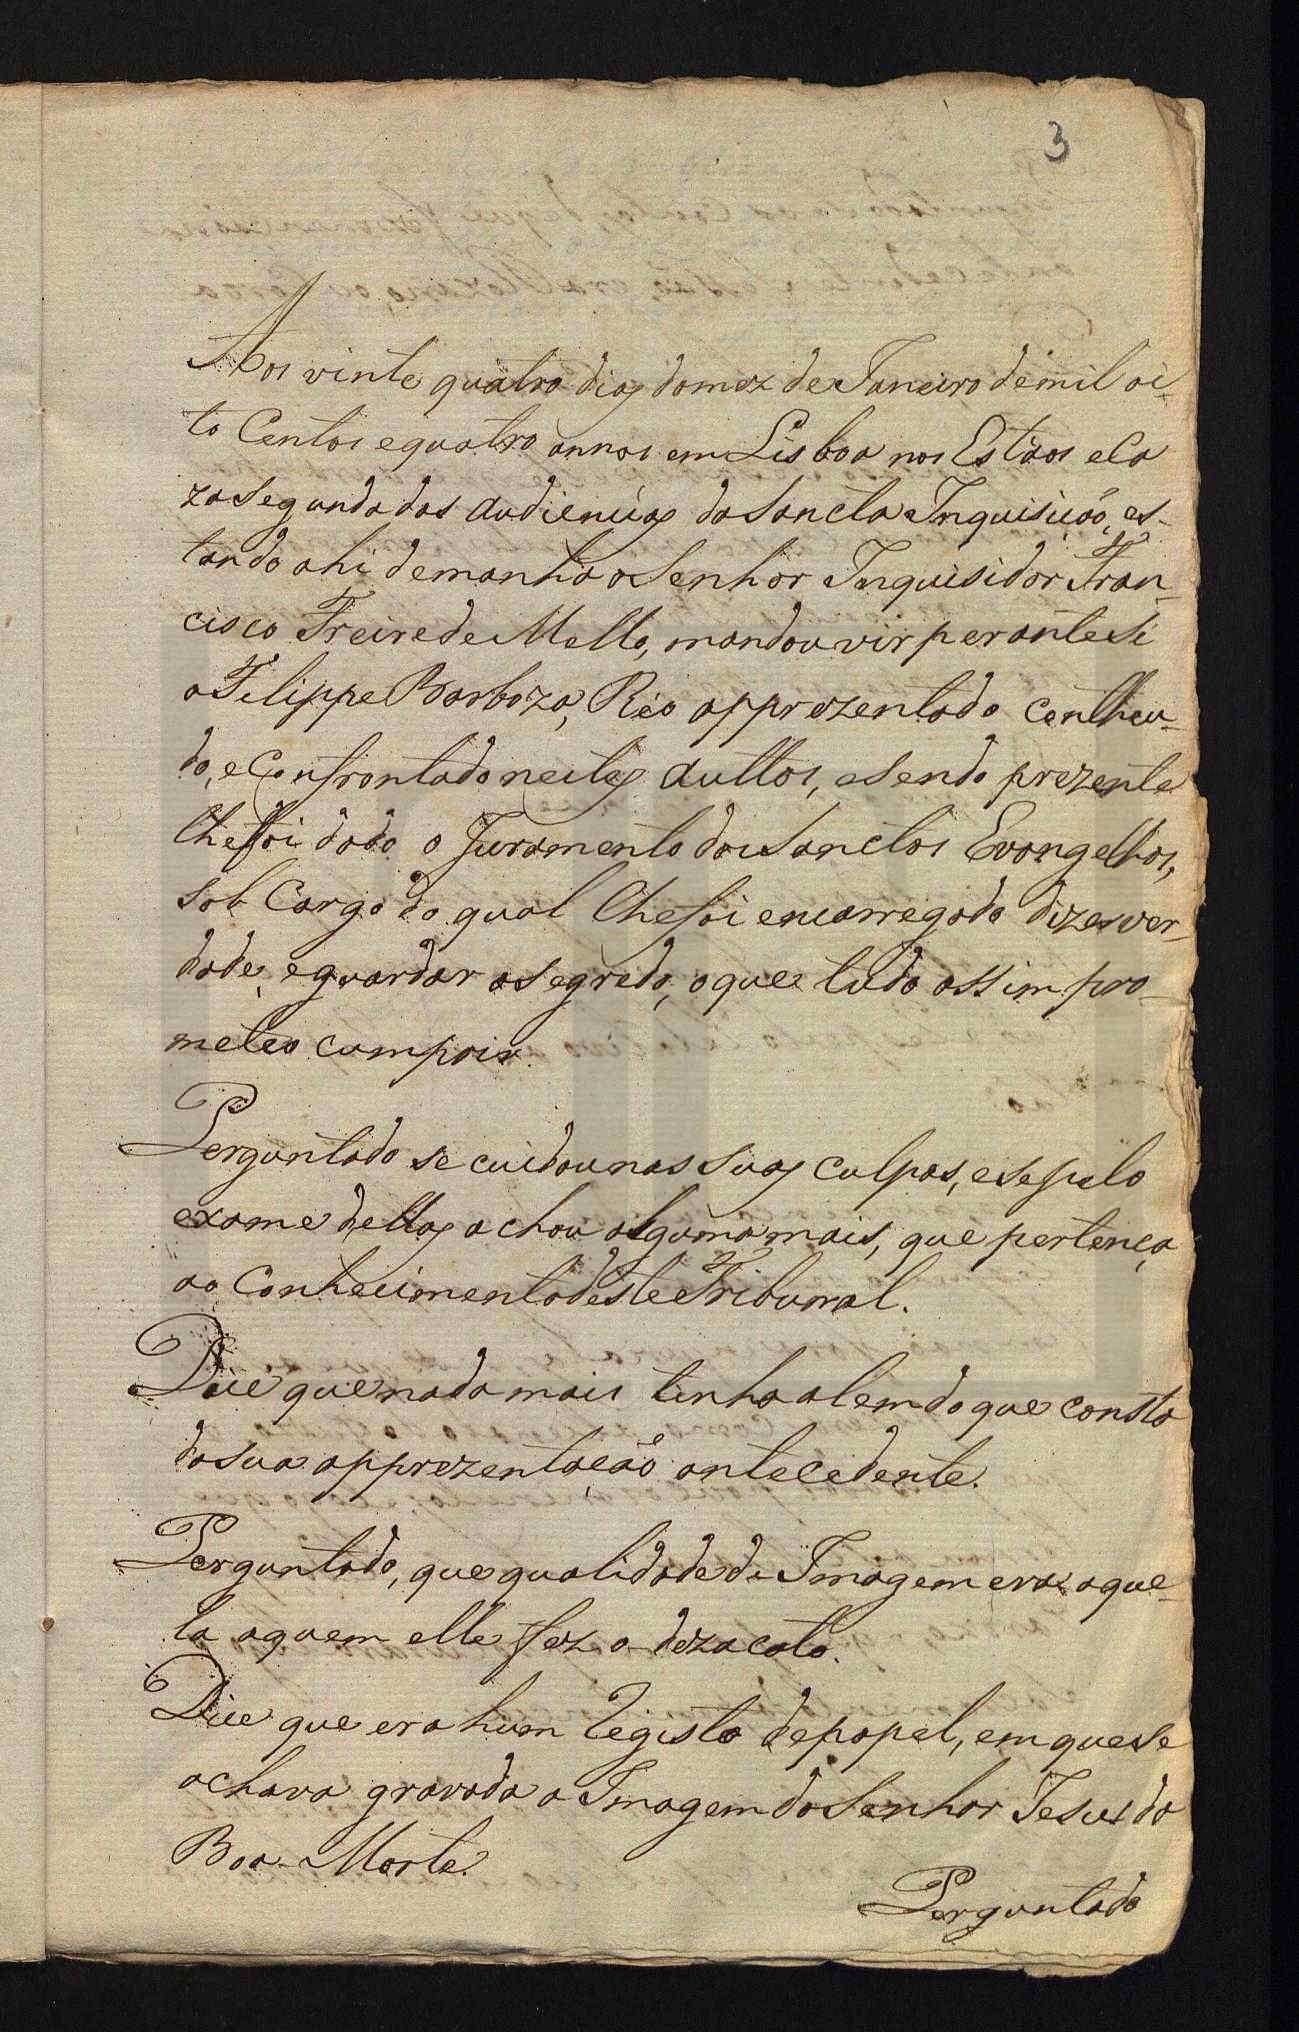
Aos vinte quatro dias do mez de Ianeiro de mil oi
to Centos e quatro annos em Lisboa nos Estáos e Ca
za segunda das audiencías da Sacta Inquisiçaõ, es
tando ahi de manhã o Senhor Inquisidor Fran
cisco Freire de Mello, mandou vir perante si
a Felippe Barboza, Réo apprezentado contheu
do, e confrontado nestes auttos, e sendo prezente
lhe foi dado o Juramento dos Sanctos Evangelhos,
sob cargo do qual lhe foi encarregado dizer ver
dade, e guardar o segredo, o que tudo assim pro
meteo cumprir.
Perguntado se cuidou nas suas culpas, e se pelo
exame dellas achou alguma mais, que pertença
ao conhecimento deste Tribunal.
Dice que nada mais tinha alem do que consta
da sua apprezentaçaõ antecedente.
Perguntado, que qualidade de Imagem era aque
la a quem elle fez o dezacato.
Disse que era hum Registo de papel, em que se
achava gravada a Imagem do Senhor Iesus da
Boa Morte.
Perguntado
